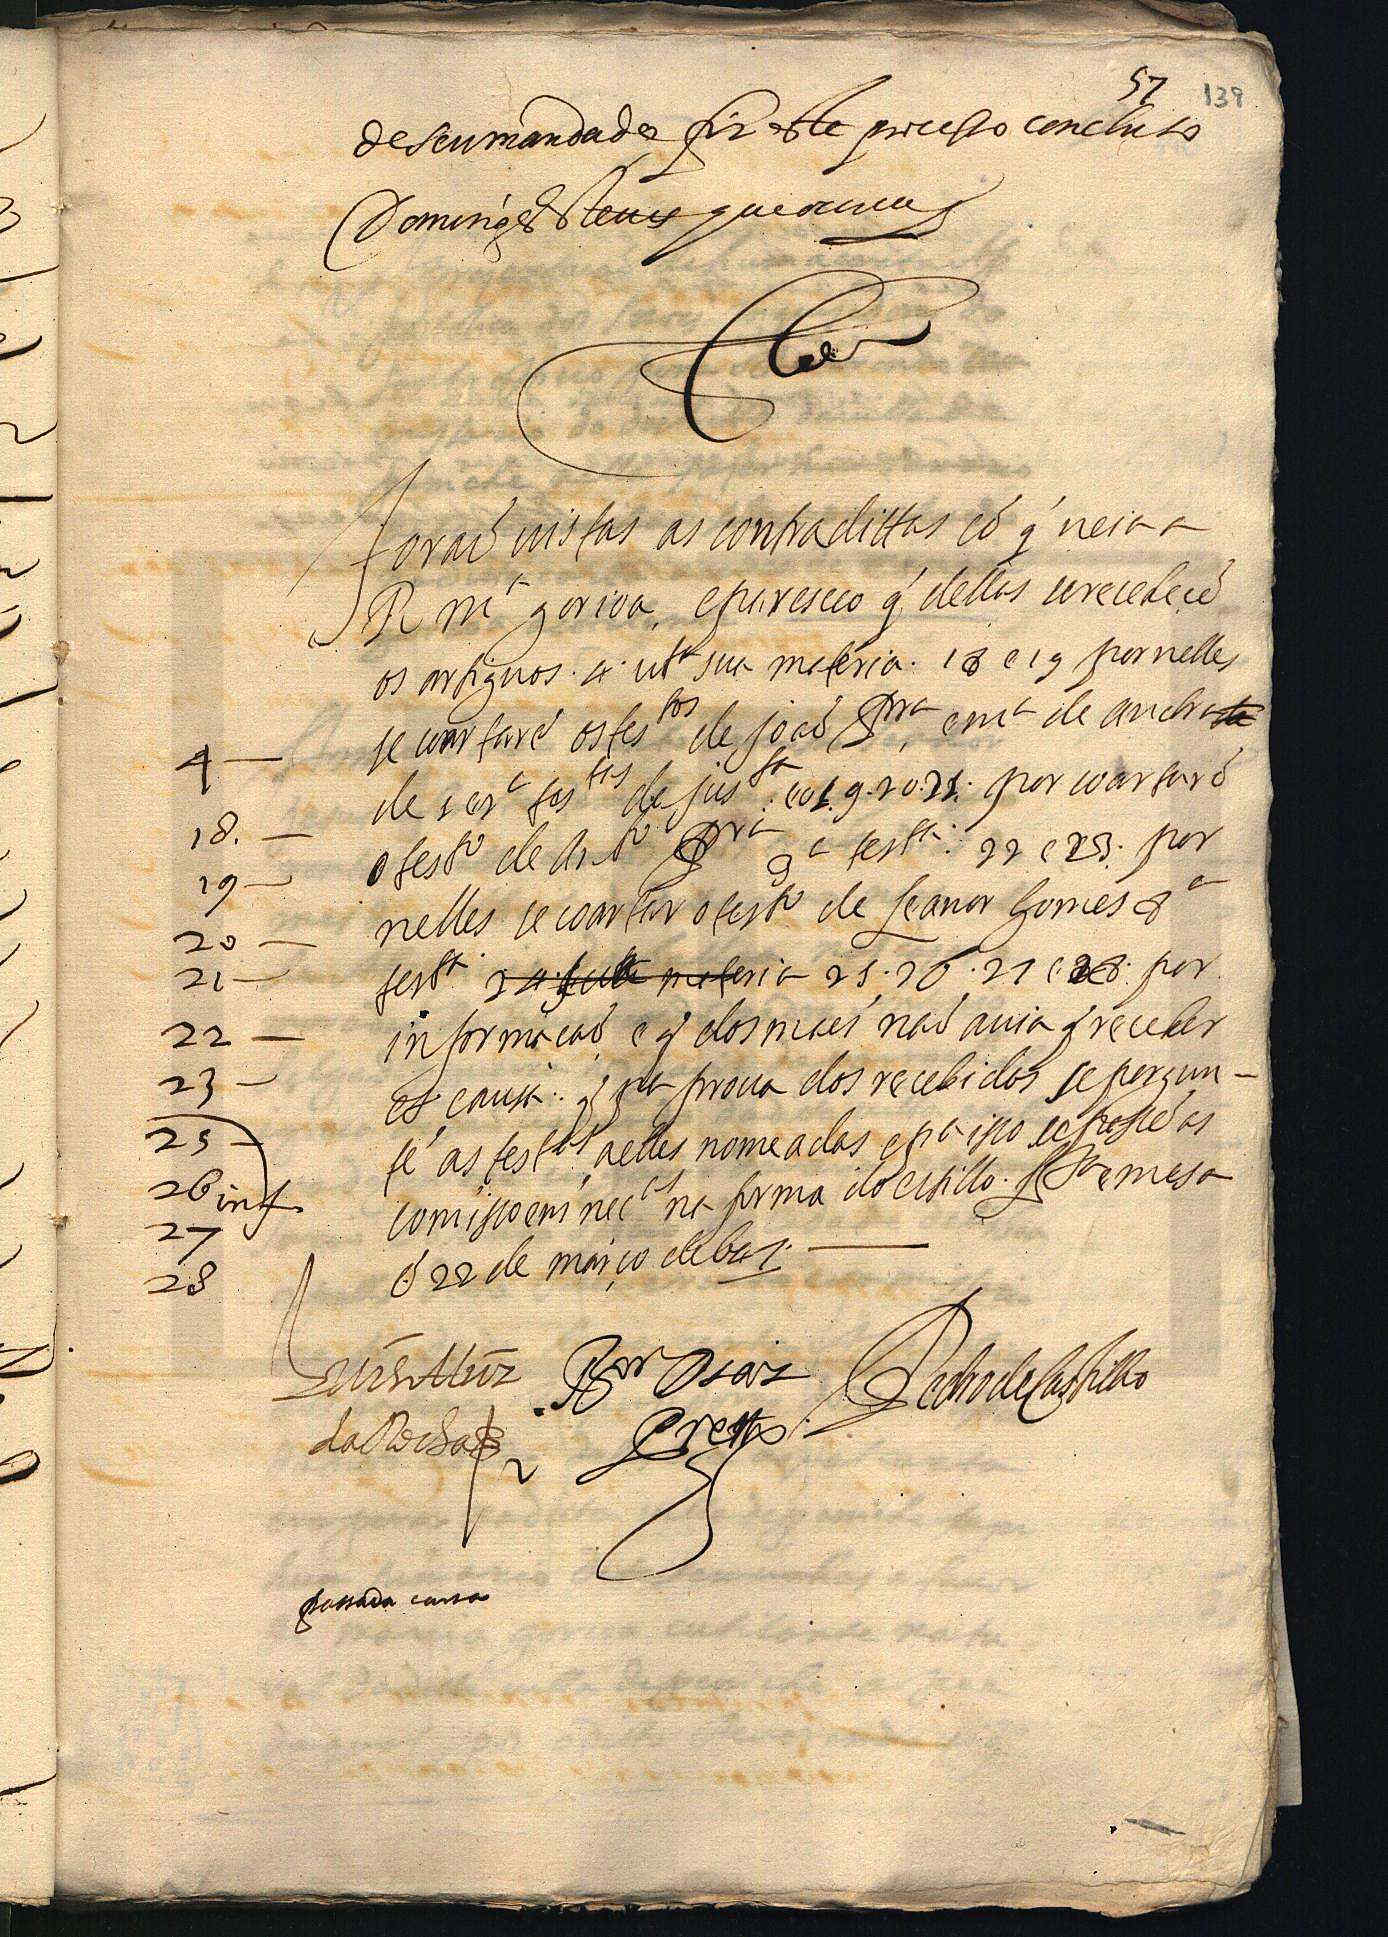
4
18.
19
20
21
22
23
25
26 inf.
27
28
de seu mandado fiz este processo concluzo
Domingos Esteues que o escreuj
Clo
foraõ uistas as contradittas cō q̄ ueio a
R ma gorioa, e paresceo q̄ dellas se recebecē
os artiguos .4. uta sua materia. 18 e 19 por nelles
se coartarē os testos de Joaõ Pra, e ma de andrade
de 1 e 2a testas de Justa : e o 19. 20. 21. por coartarē
o testo de Anto Pra 9a testa. 22 e 23. por
nelles se coartar o testo de Leanor gomes 8a
testa 24 seuta materia 25. 26. 27 e 28. por
informacaõ, e q̄ dos mais naõ auia q̄ receber
ex causa. q̄ pa proua dos recebidos se pergun
tē as testas a elles nomeadas e pa isso se passē as
comissoens necas na forma do estillo. fta e mesa
ē 22 de março de 647
Luis Aluz̄
da Rocha
Bor Diaz
Pretto
Pedro de Castilho
passada carta
